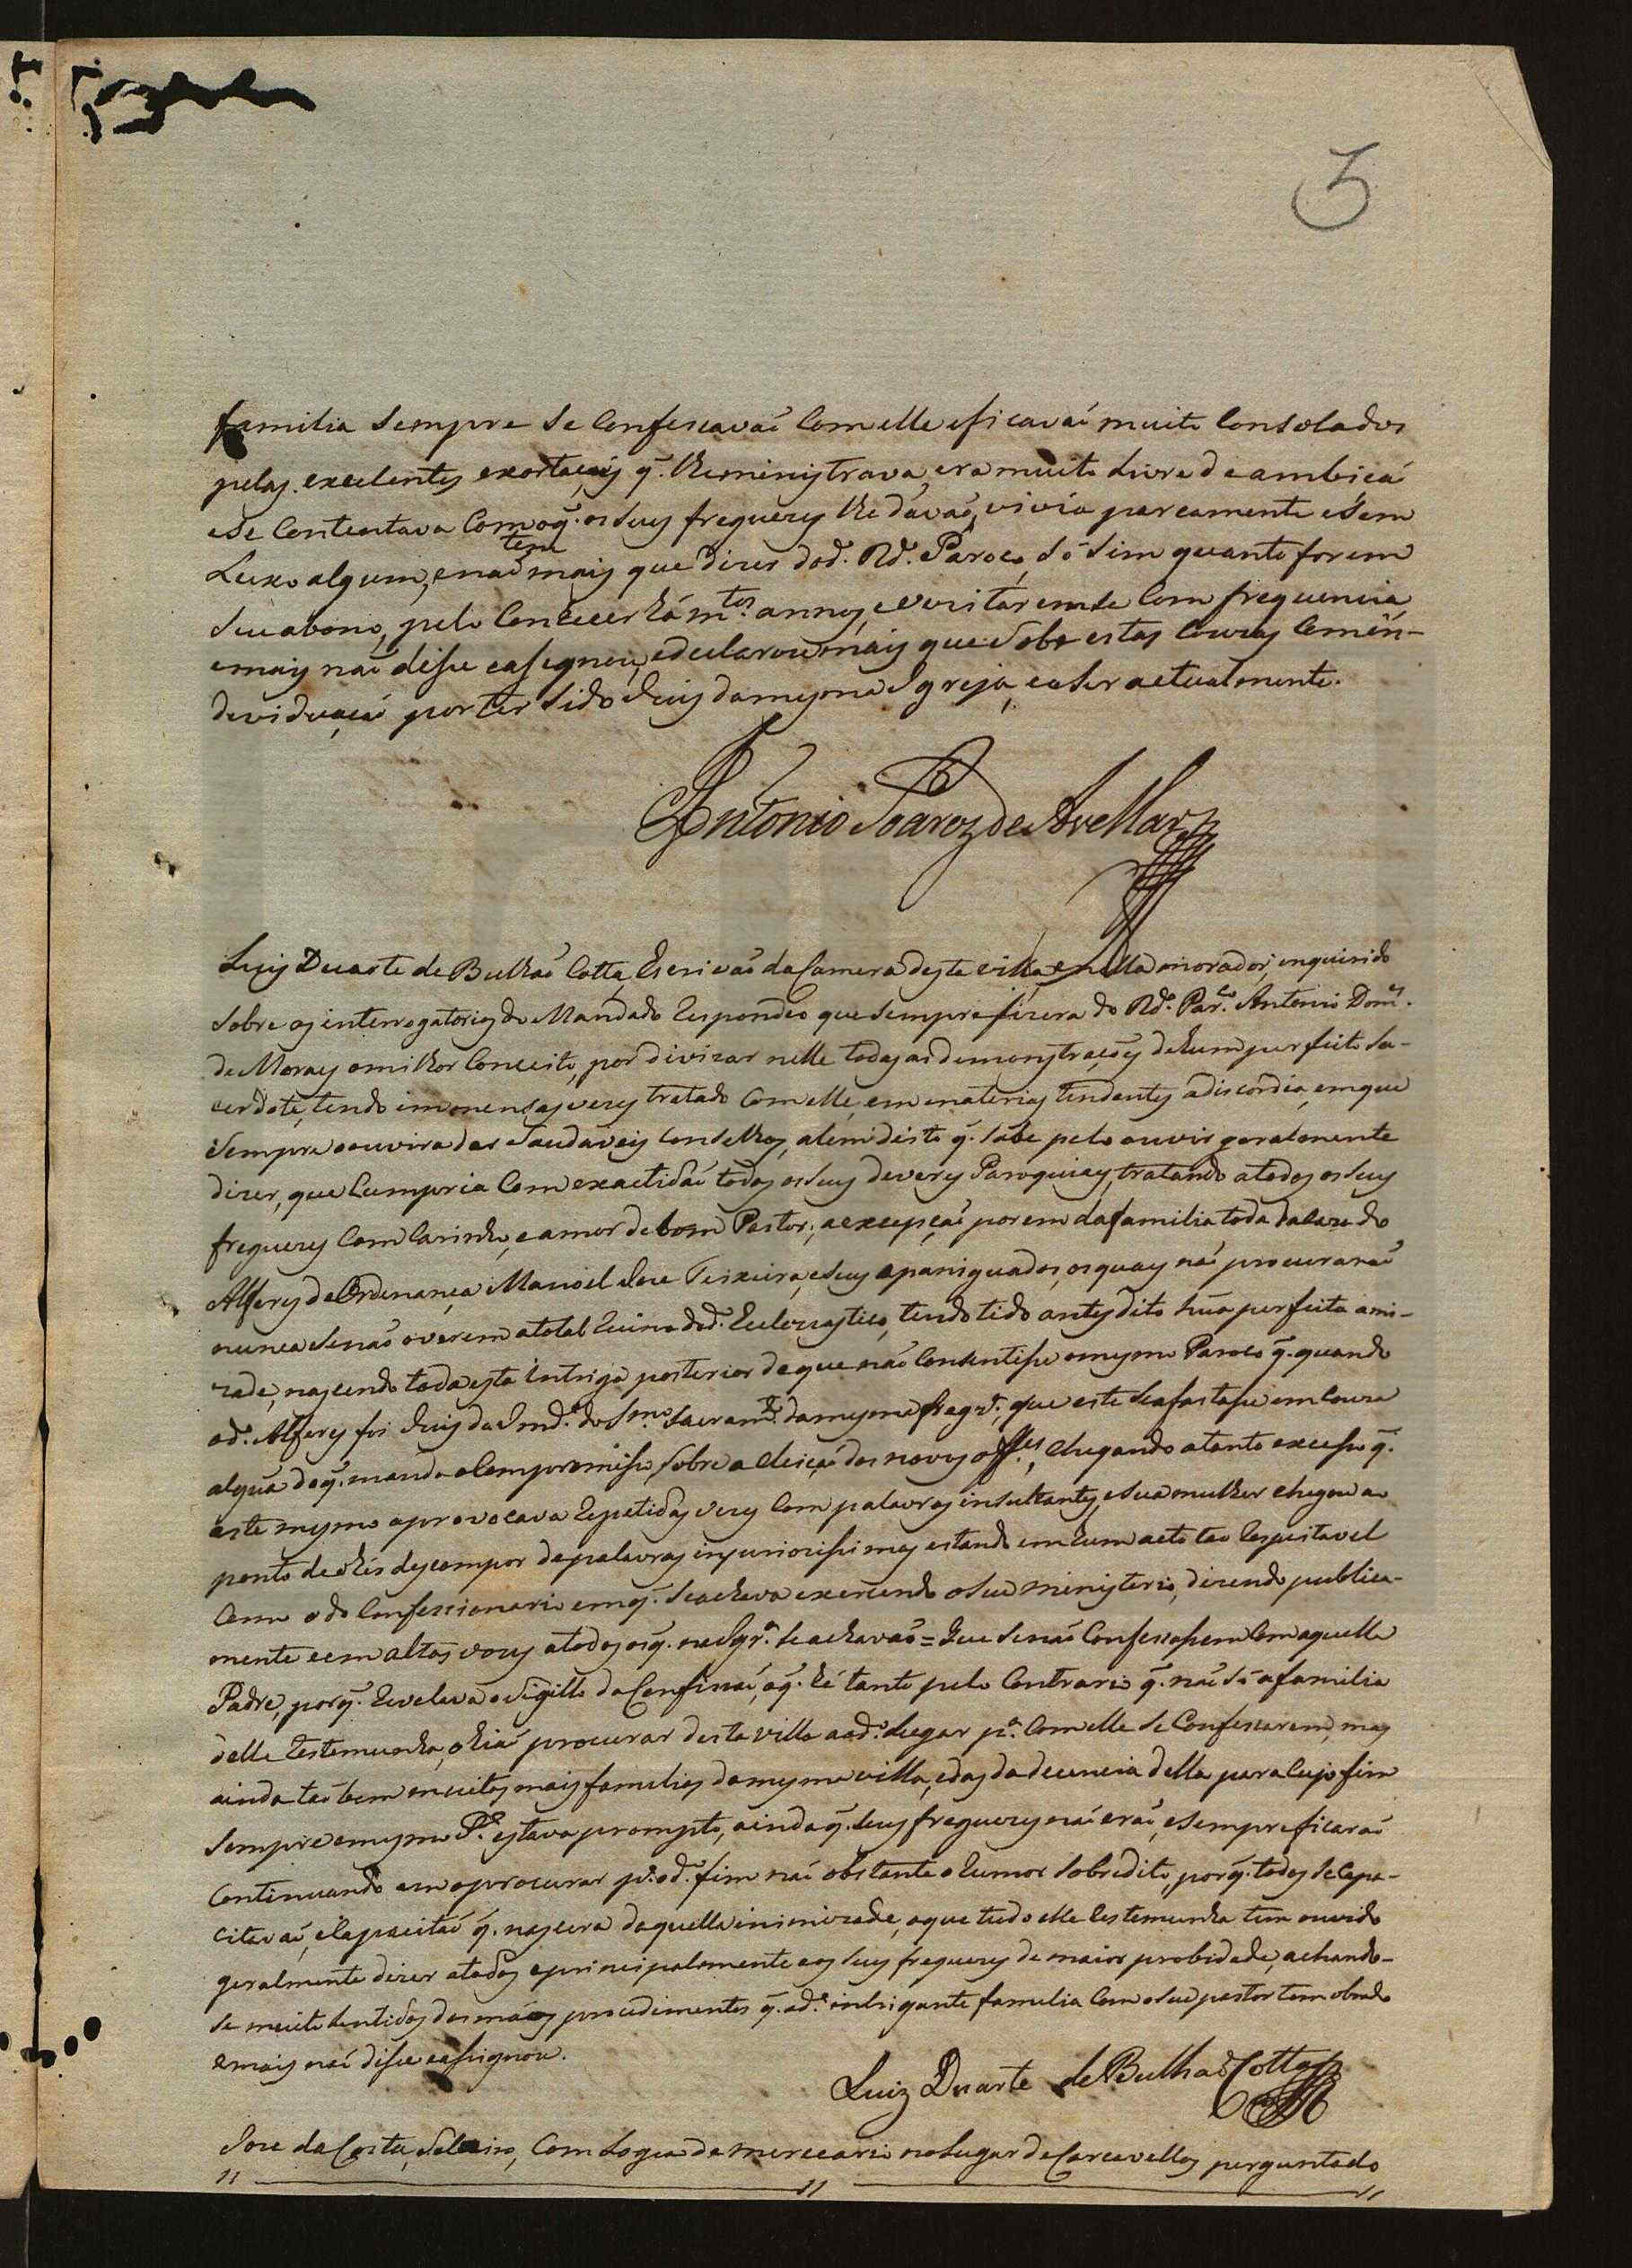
familia sempre se confessavaõ Com elle e ficavaõ muito consoLados
pelas excelentes exortaçoẽs q̄ lhe ministrava, era muito Livre da ambiçaõ
e se contentava com o q̄ os seus freguezes lhe davaõ, vivia parcamente e sem
Luxo algum, e naõ tem mais quer dizer do d.o Rd.o Paroco, só sim quanto forem
seu abono, pelo Conhecer há m.tos annos, e vezitaremse com frequencia,
e mais naõ disse e asignou, e declarou mais que sabe estas couzas com in
deviduaçaõ por ter sido Iuis da mesma Igreja, e o Ser actualmente.
Luis Duarte de Bulhaõ Cotta, Escrivaõ da Camera desta villa e nella morador, inquirido
sobre os interrogatorios do Mandado Respondeo que sempre fizera do Rd.o Par.co Antonio Dom.es
de Morais o milhor Conceito, por divizar nelle todas as demonstrações de hum perfeito sa
cerdote, tendo immensas vezes tratado Com elle, em materias tendentes a discordia, em que
sempre o ouvira dar saudaveis conselhos, alem disto q̄ sabe pelo ouvir geralmente
dizer, que Cumpria Com exactidaõ todos os seus deveres Paroquiaes, tratando a todos os seus
freguezes Com Carinho, e amor de bom Pastor, a excepçaõ porem da familia toda do cazado
Alferes de Ordenança Manoel Ioze Teixeira, e seus apaniguados, os quaes naõ procuraraõ
nunca senaõ o verem a total Ruina do d.o Eccleziastico, tendo tido antes dito hūa perfeita ami
zade, nascendo toda esta intriga posterior de que naõ consentisse o mesmo Paroco q̄ quando
o d.o Alferes foi Iuis da Irmd.e do S.mo Sacram.to da mesma fregz.a que este se afastasse em couza
algūa do q̄ manda o Compromisso, sobre a eleiçaõ dos novos off.es, chegando a tanto excesso q̄
este mesmo o provocava Repetidas vezes Com palavras insultantes, e sua mulher chegou ao
ponto de o hir descompor de palavras injuriozissimas estando com hum acto tao Respeitavel
Como o do Confessionario em q̄ se achava exercendo o seu ministerio, dizendo publica
mente e em altos vozes a todos os q̄ na Igr.a se achavaõ = Que senaõ Confessassem Com aquelle
Padre, porq̄ Revelava o Sigillo da Confissaõ, o q̄ hé tanto pelo Contrario q̄ naõ só a familia
delle testemunha, o hiaõ procurar desta villa ao d.o Lugar p.a Com elle se Confessarem, mas
ainda tãobem muitas mais familias da mesma villa, e das da deuncia della para Cujo fim
sempre e mesmo P.e estava prompto, ainda q̄ seus freguezes naõ eraõ, e sempre ficaraõ
continuando em o procurar p.o o d.o fim naõ obstante o Rumor sobredito, porq̄ todos se capa
citavaõ, e capacitaõ q̄ nascera daquella inimizade, o que tudo elle testemunha tem ouvido
geralmente dizer a todos e principalmente aos seus freguezes de maior probidade, achando
se muito sentidos das maõs procedimento q̄ o d.o intrigante familia Com o seu pastor tem obrado
e mais naõ disse e assignou.
Ioze da Costa, Solteiro, Com Logia de merceario no Lugar de Carcavellos perguntado
